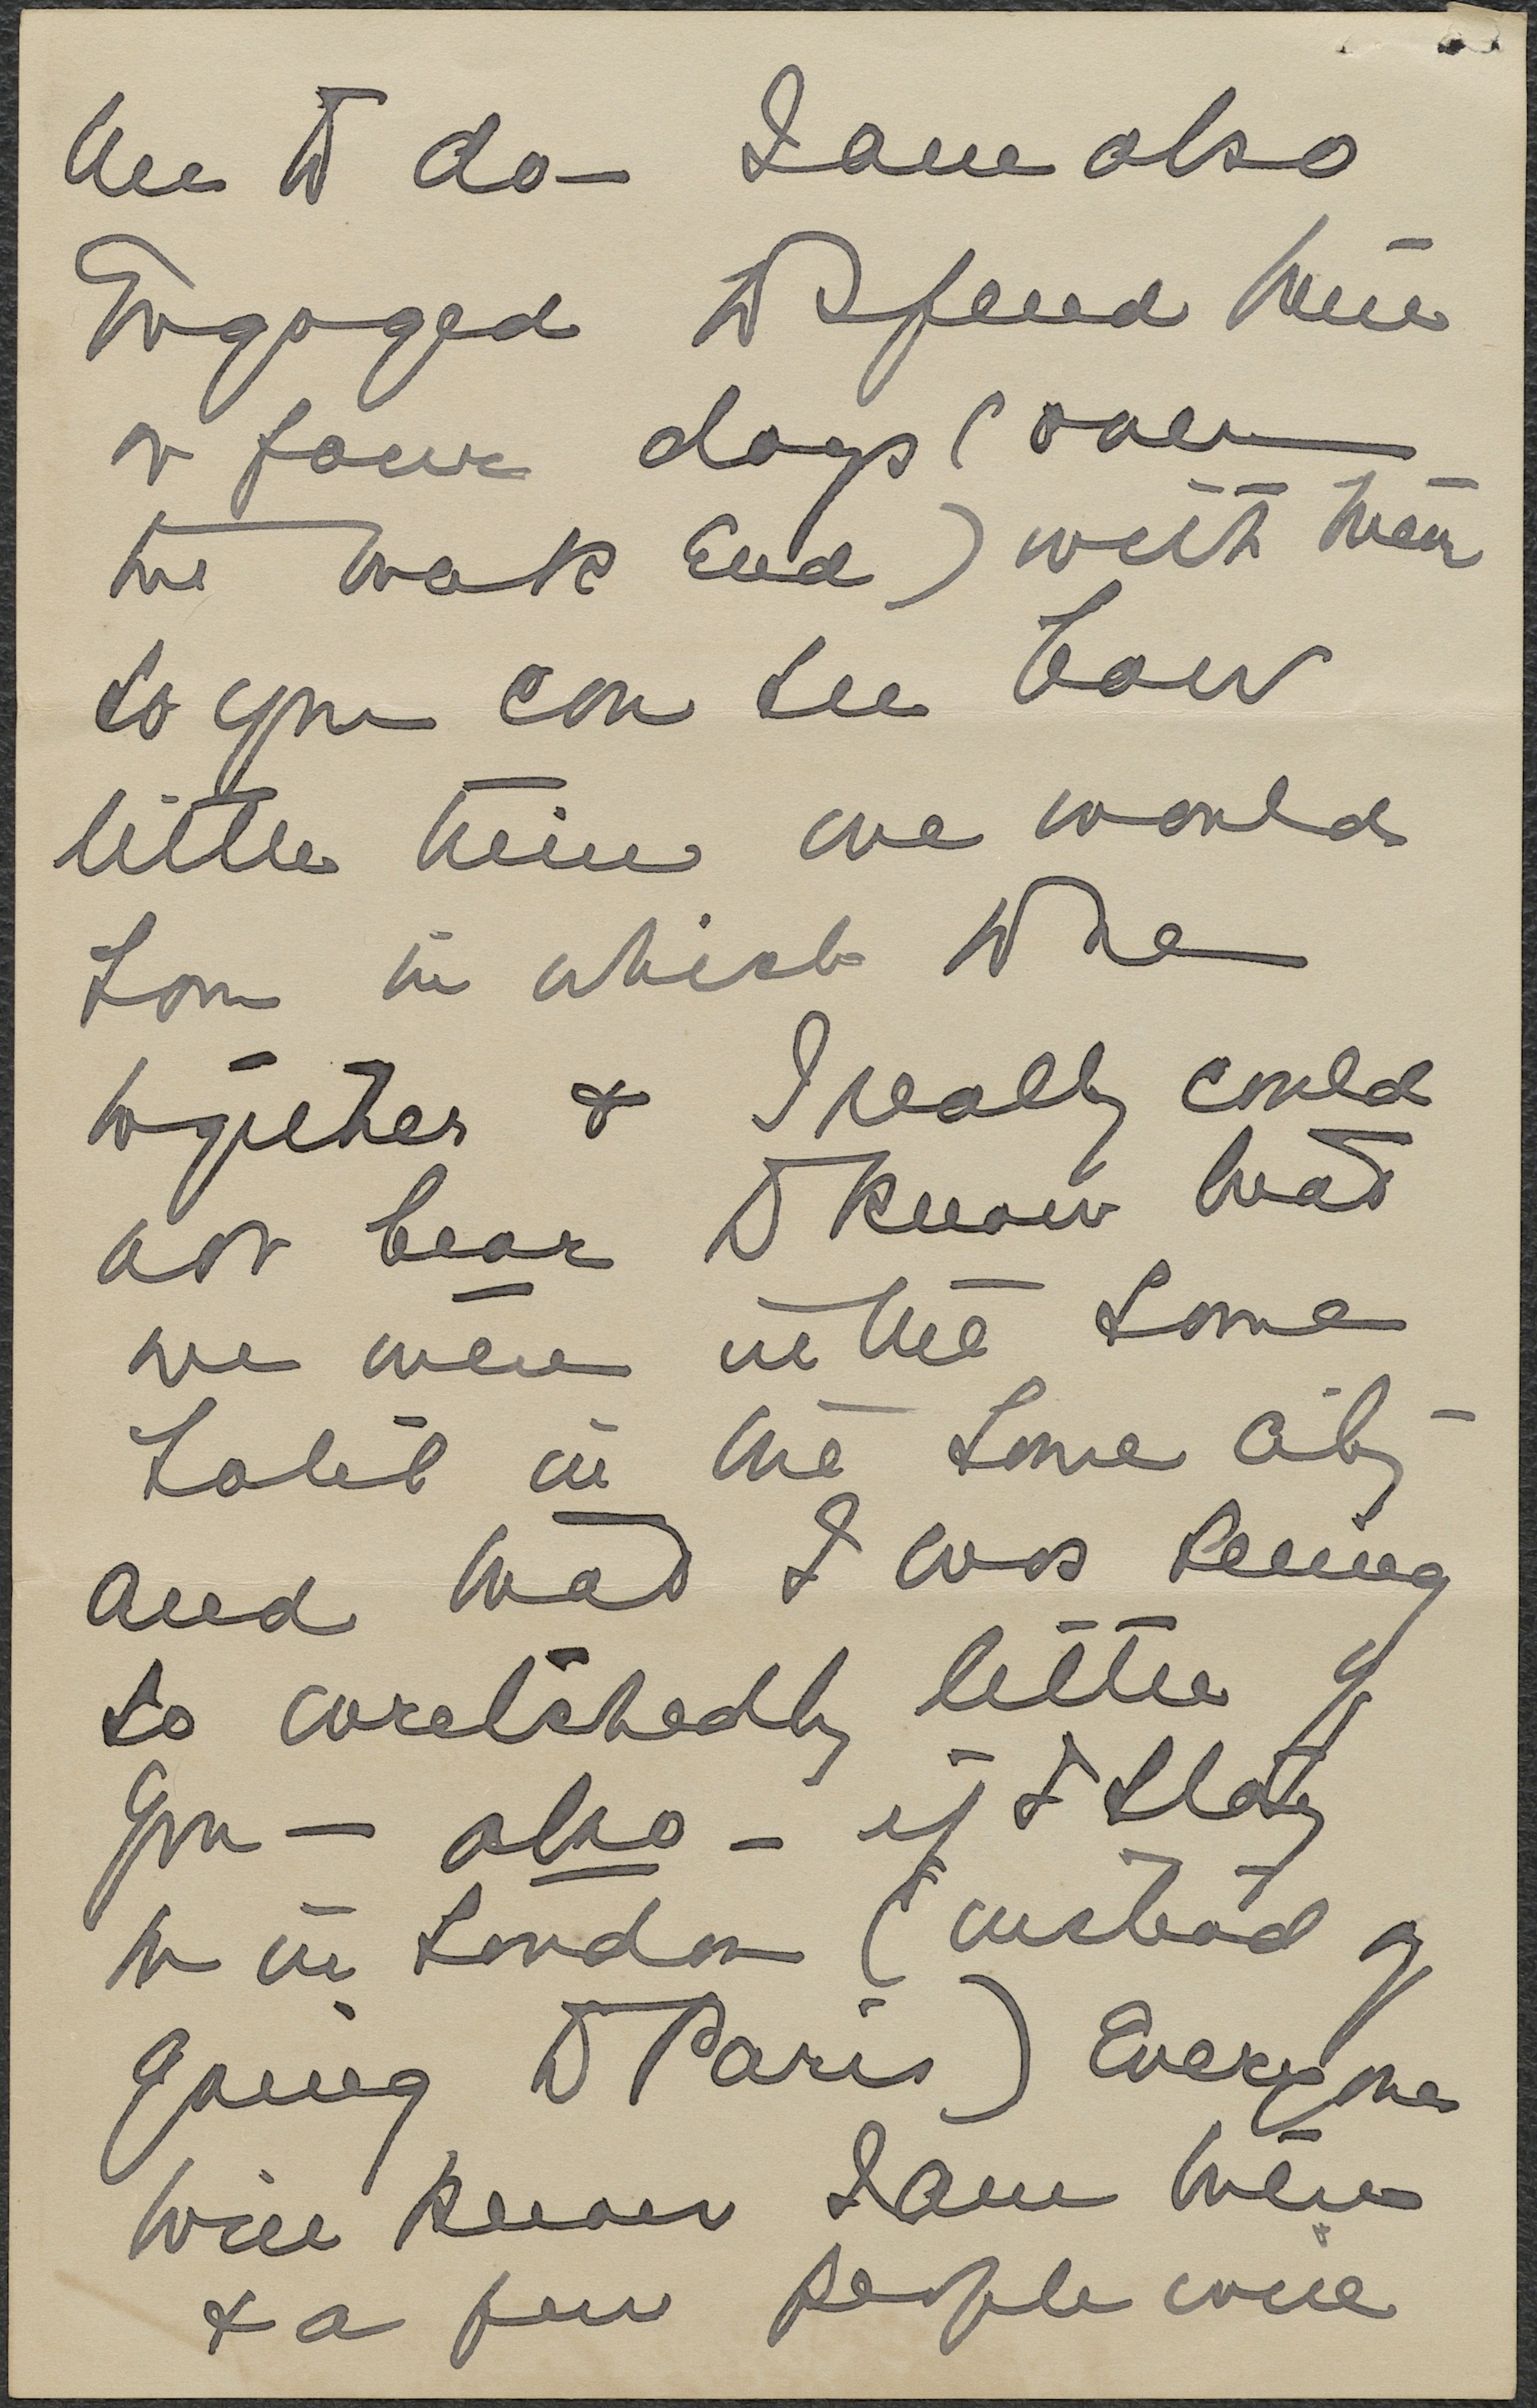me to do – I am also engaged to spend three or four days (over the week end) with them so you can see how little time we would have in which to be together – I really could not bear to know that we were in the same hotel in the same city and that I was seeing so wretchedly little of you – also – if I stay on in London (instead of going to Paris) everyone will know I am there & a few people will